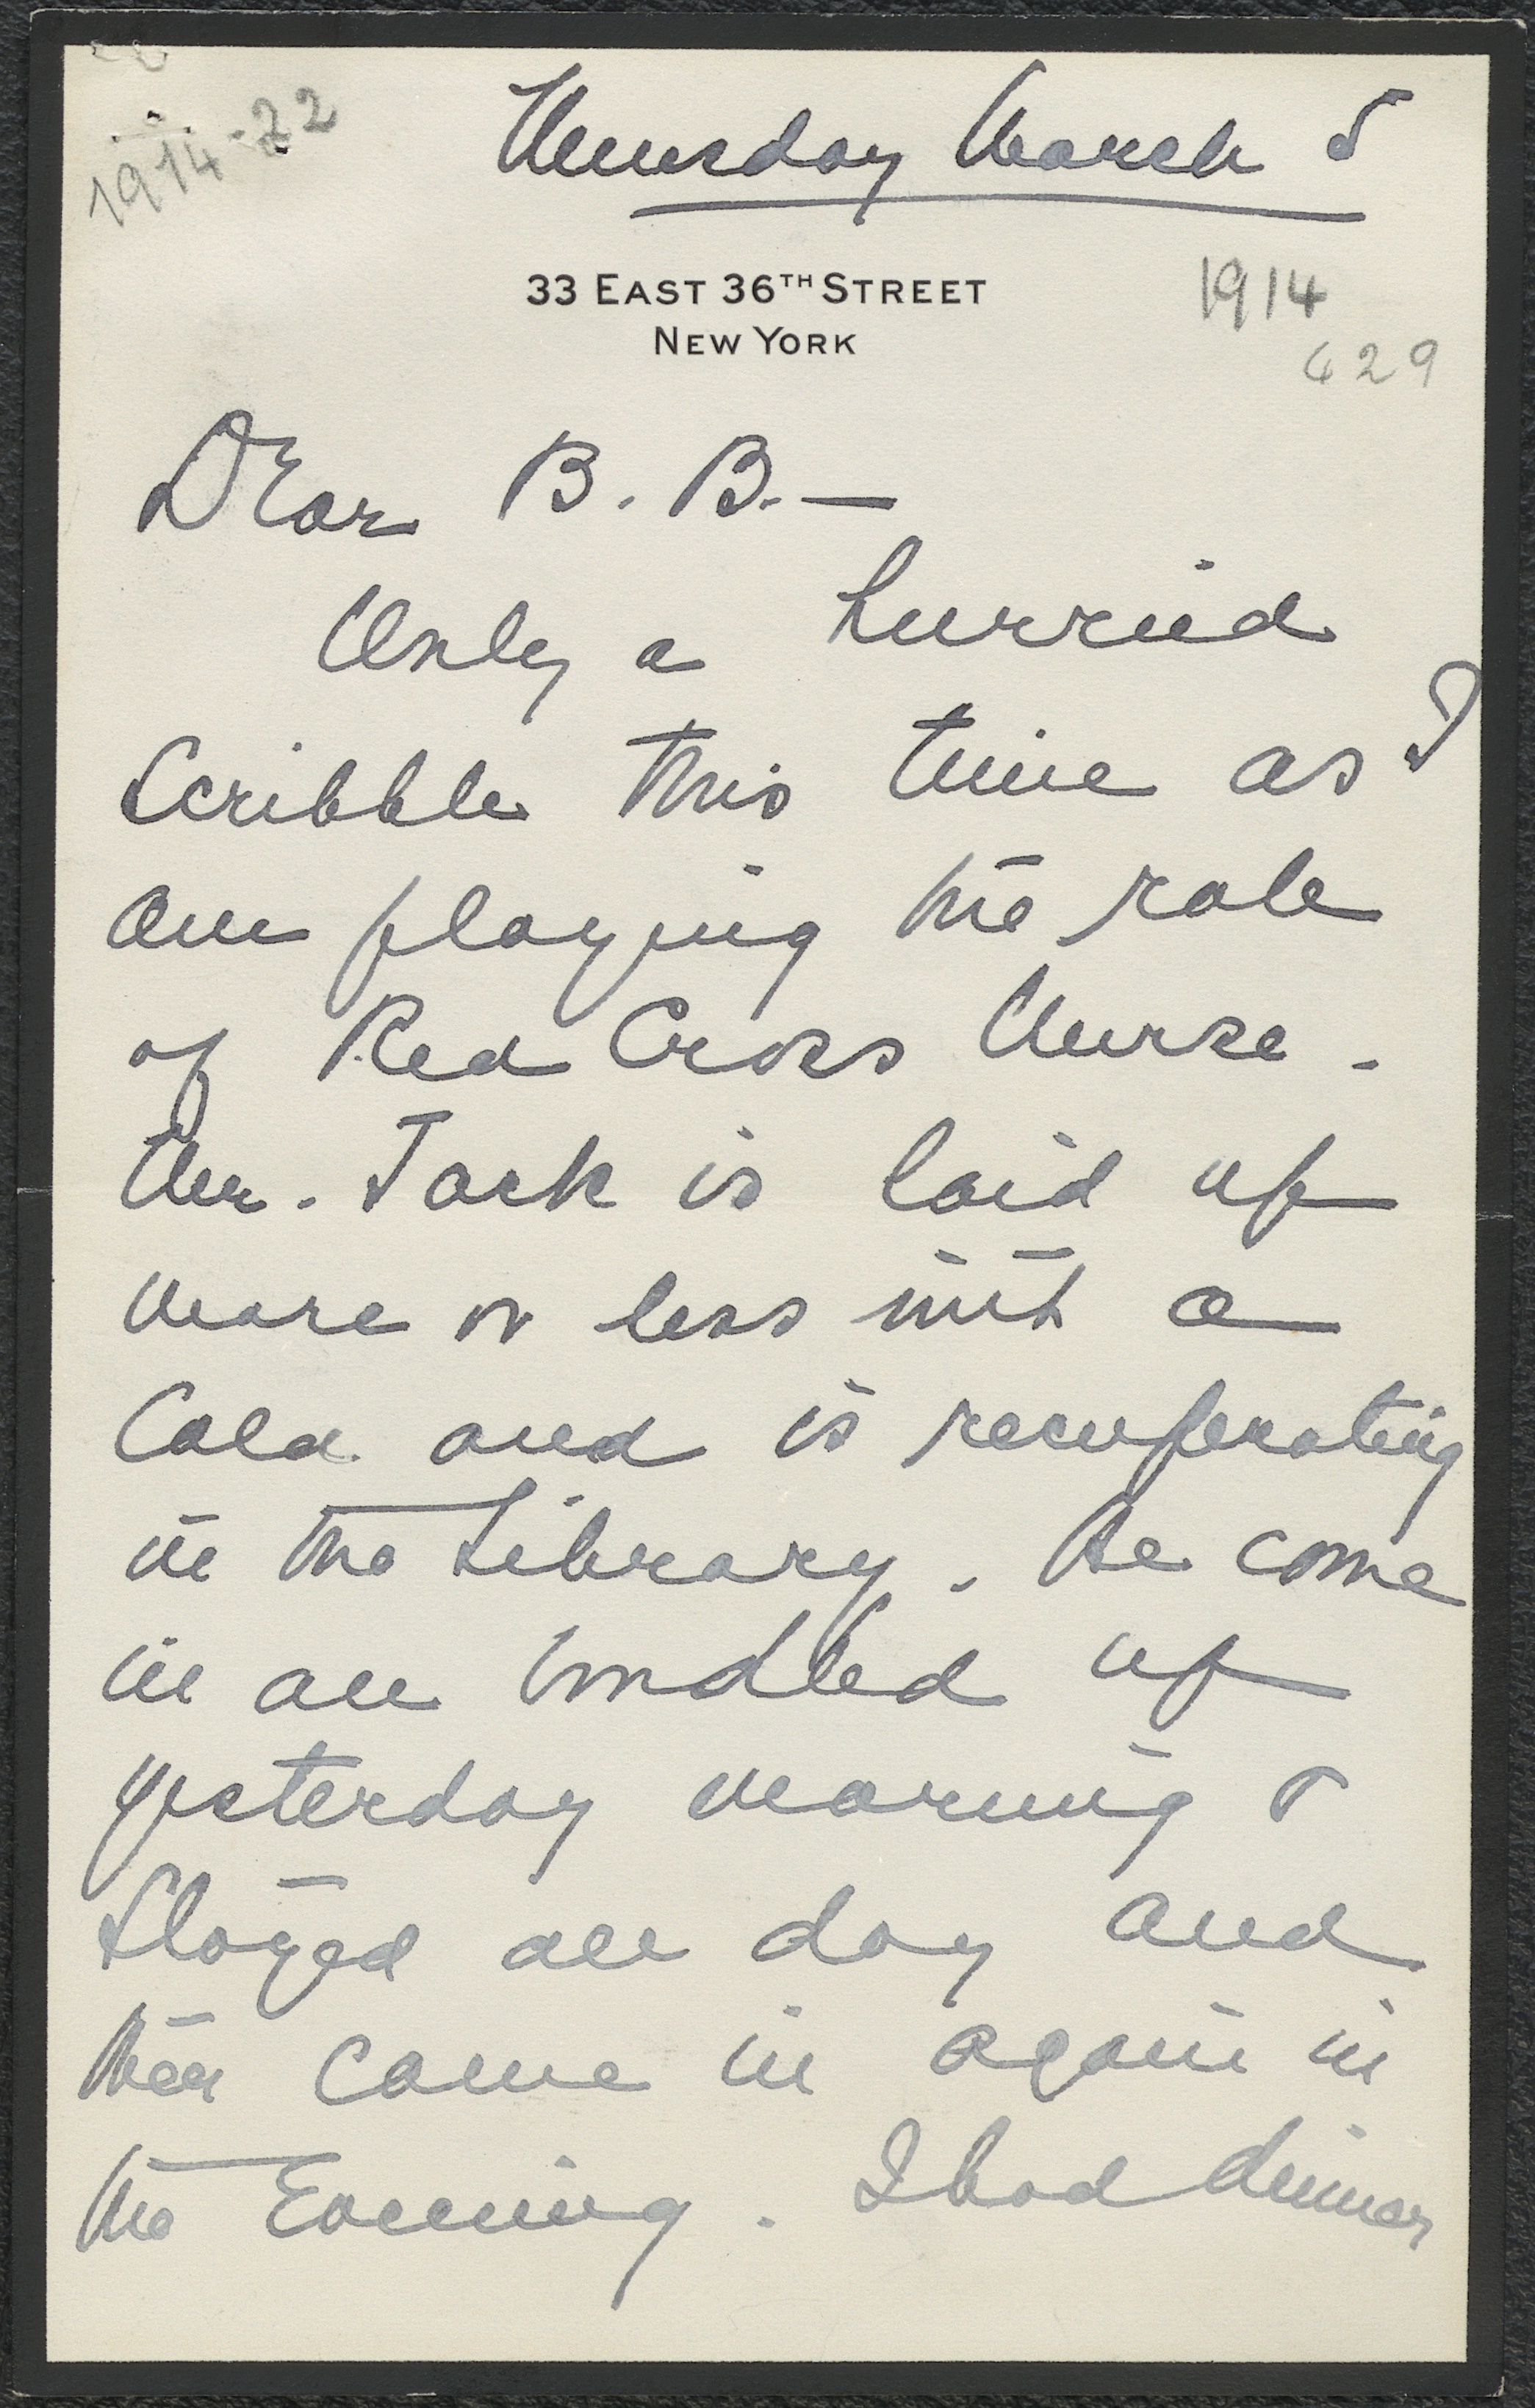Thursday, March 5
Dear B.B. –
Only a hurried scribble this time as I am playing the role of Red Cross Nurse – Mr. Jack is laid up more or less with a cold and is recuperating in the Library – He came in all bundled up yesterday morning & stayed all day and then came in again in the evening. I had dinner